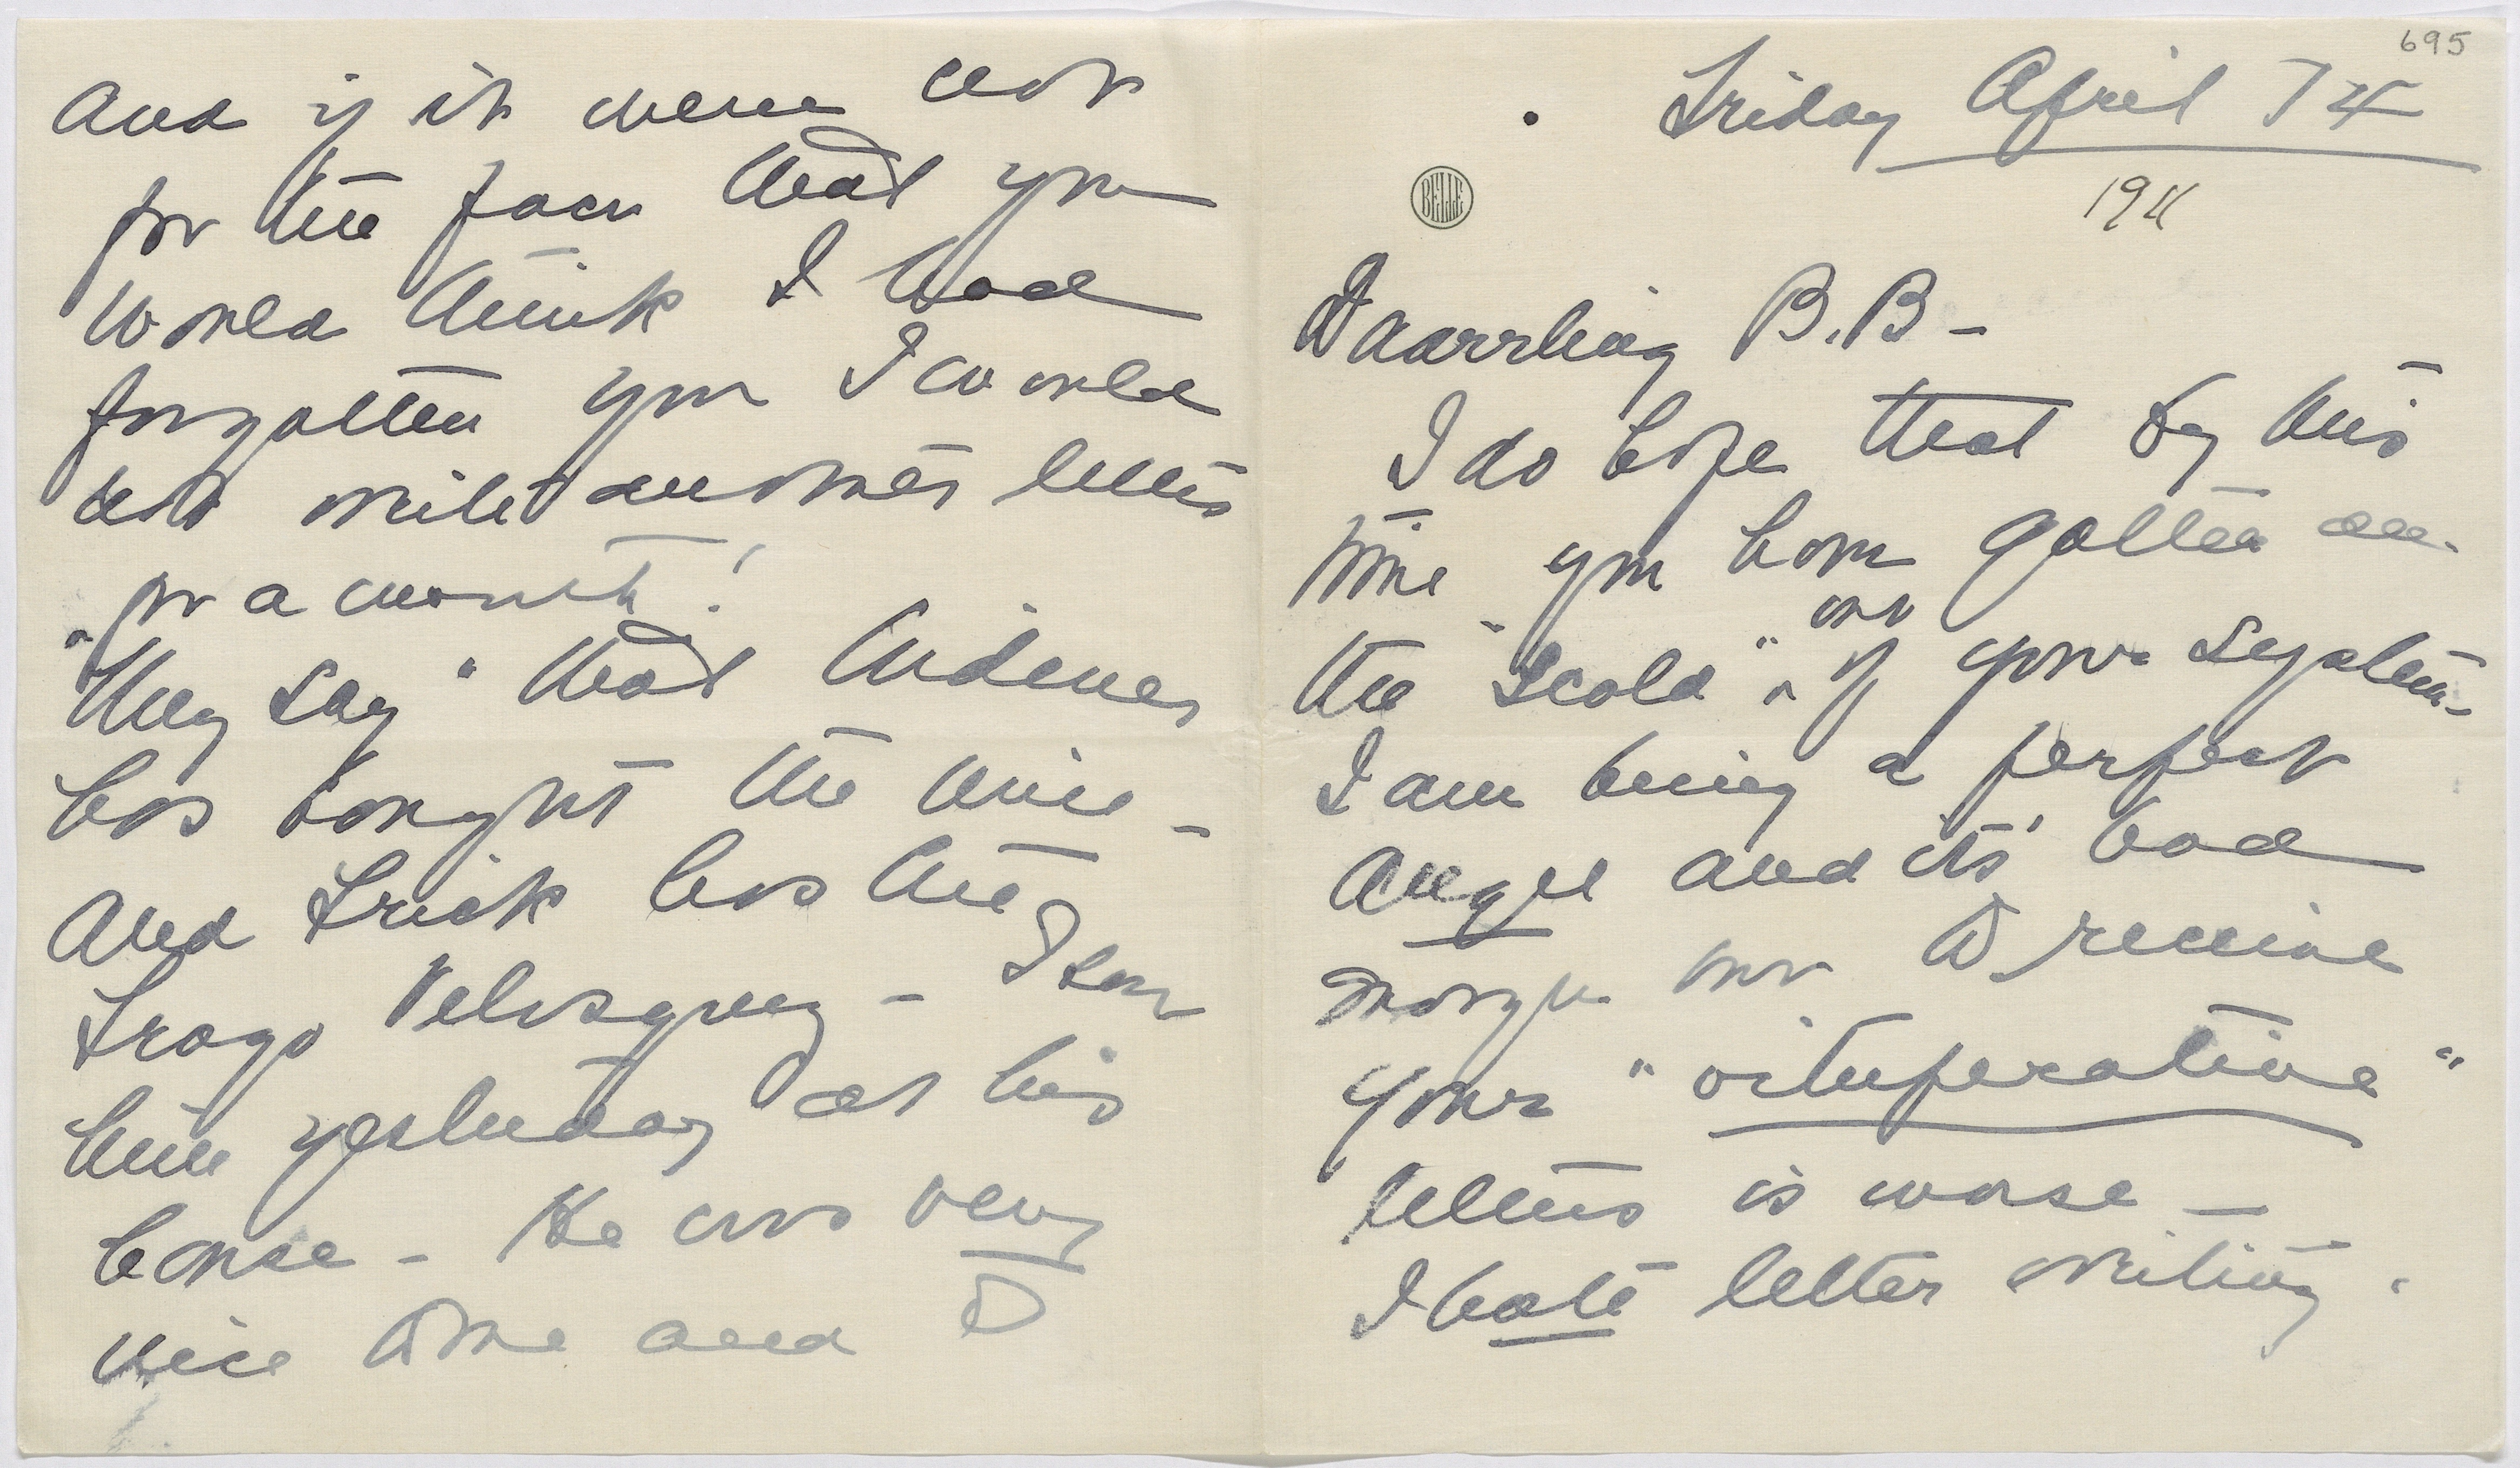Friday April 14
Daarrling B. B –
I do hope that by this time you have gotten all the “scold” [^out^] of your system – I am being a perfect angel and it’s bad enough but to receive your “vituperative” letters is worse –
I hate letter writing,
and if it were not for the fact that you would think I had forgotten you I would not write another letter for a month!
“They say” that Widener has bought the will – and Frick has the Fraga Velasquez – I saw him yesterday at his house – He was very nice to me and I